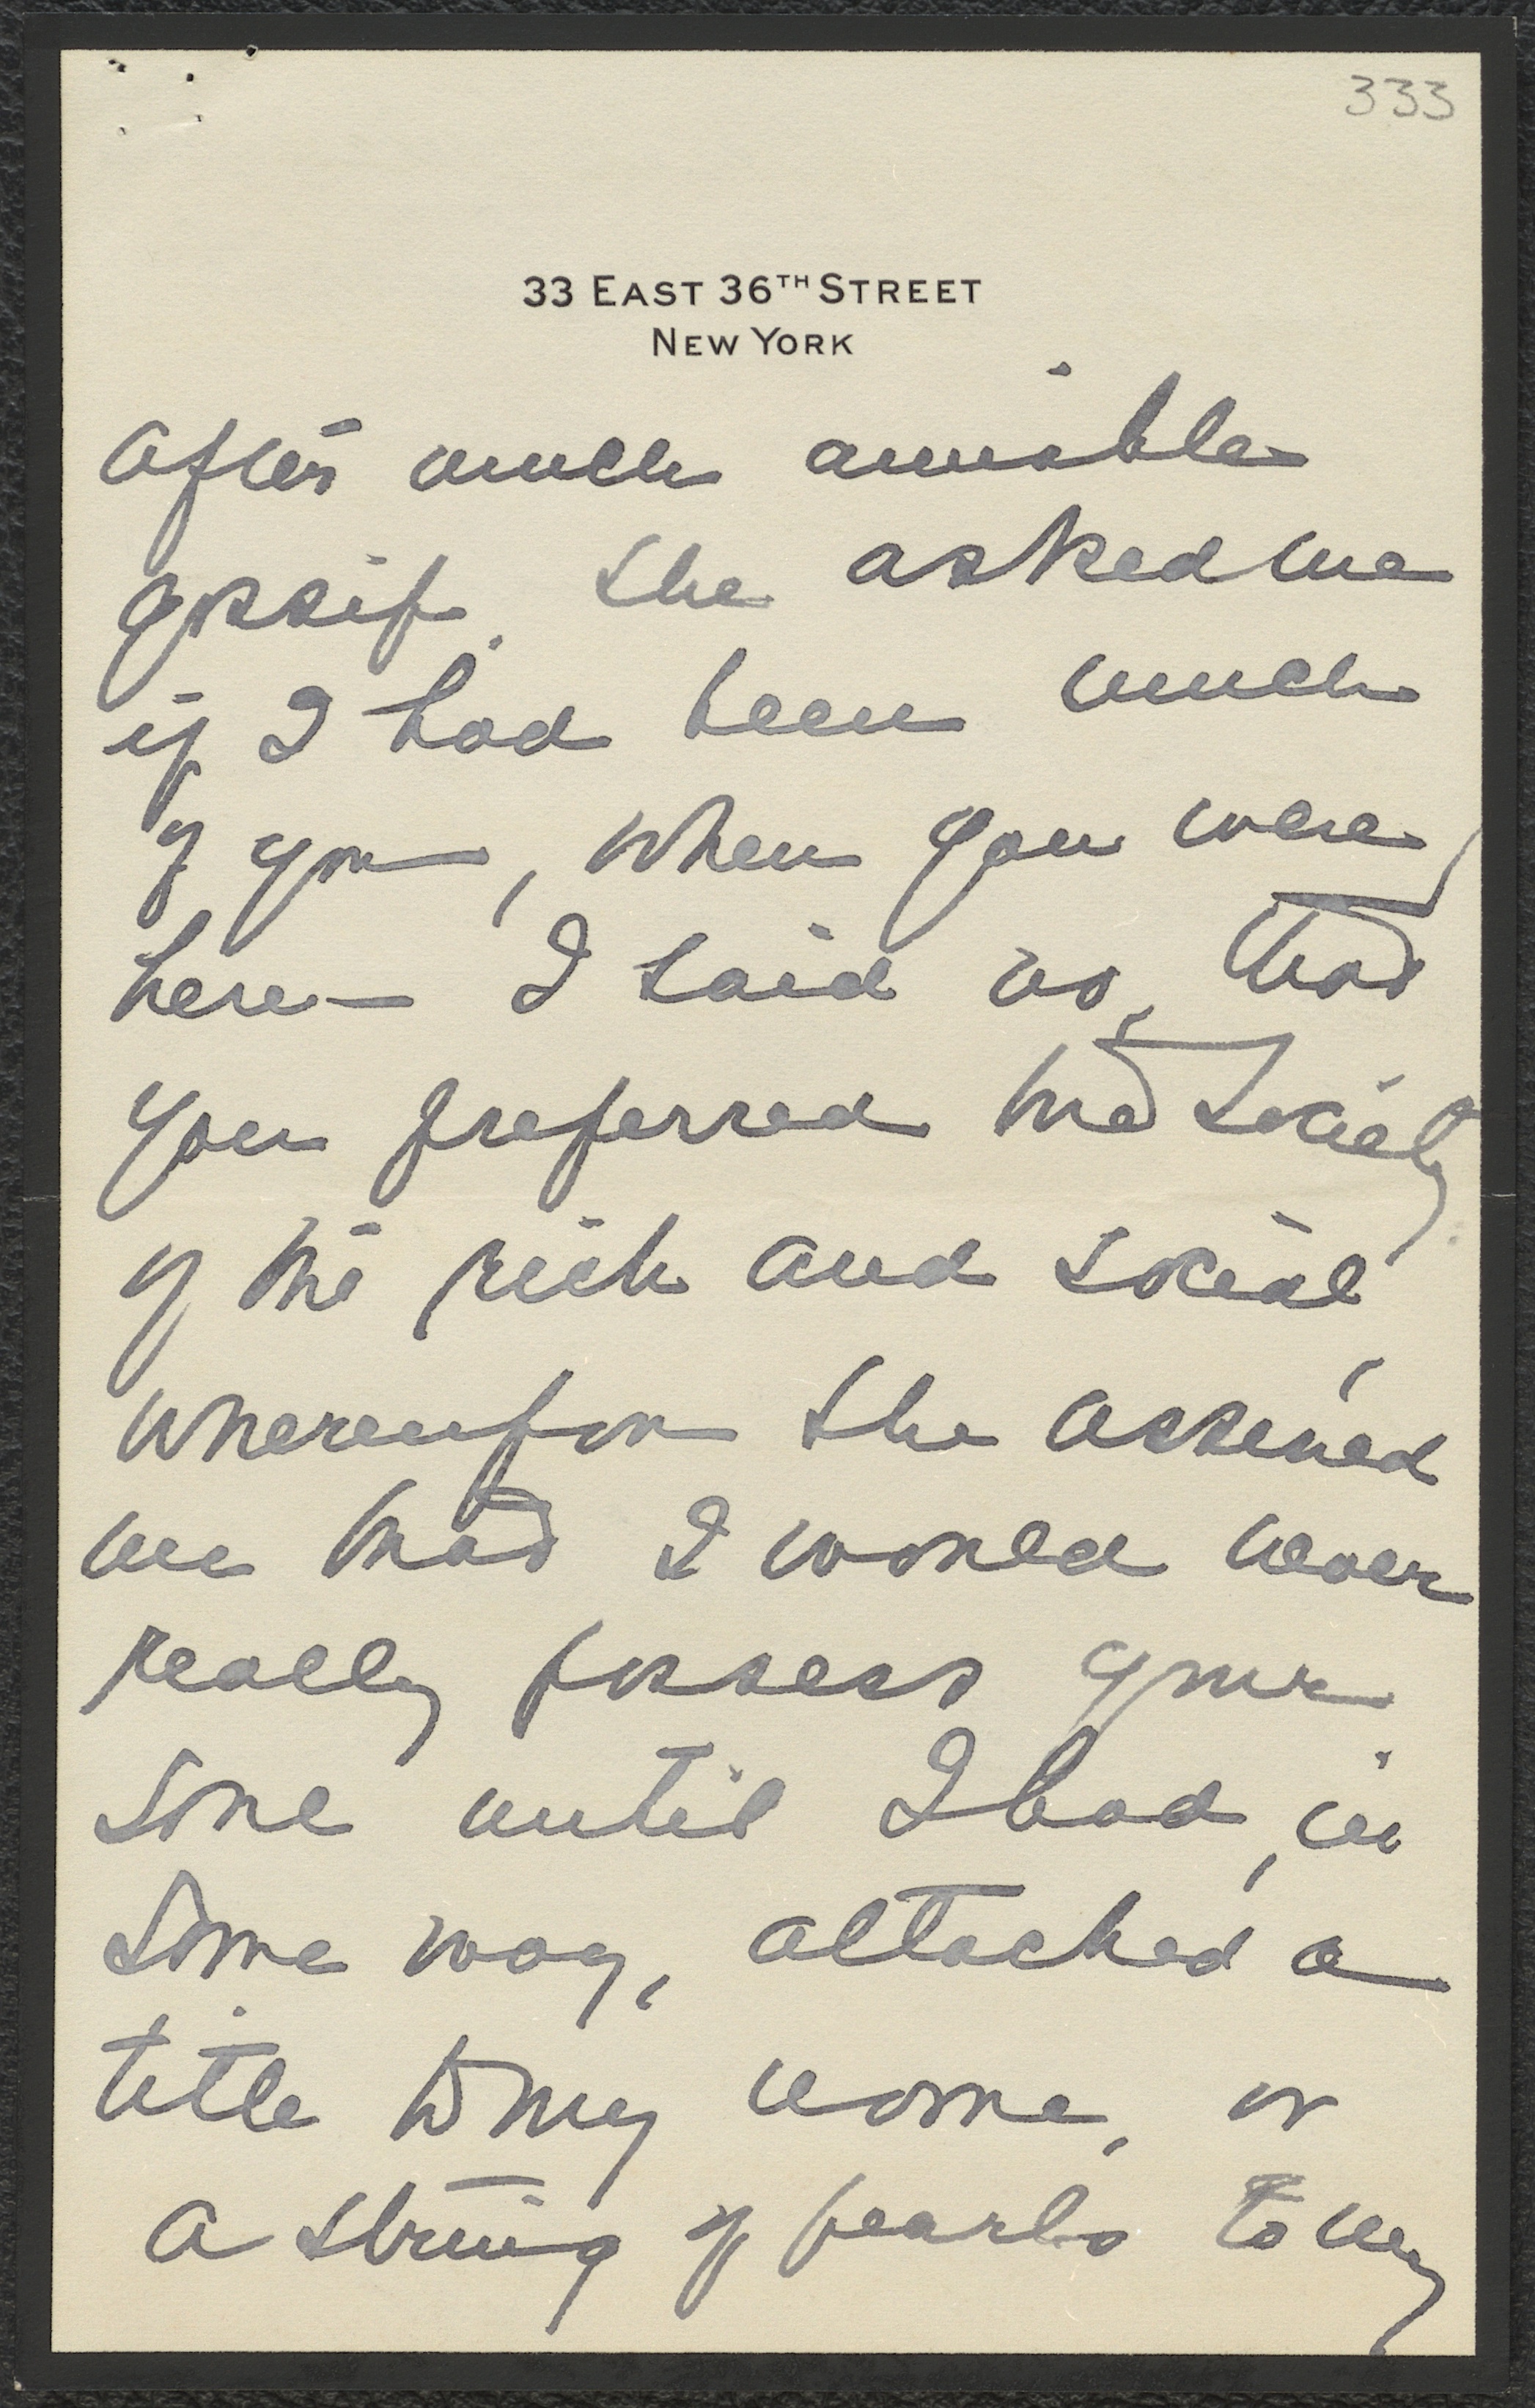after much amiable gossip. she asked me if I had seen much of you, when you were here – I said no, that you preferred the society of the rich and social, whereupon she assured me that I would never really possess your soul until I had, in some way, attached a title to my name, or a string of pearls to my